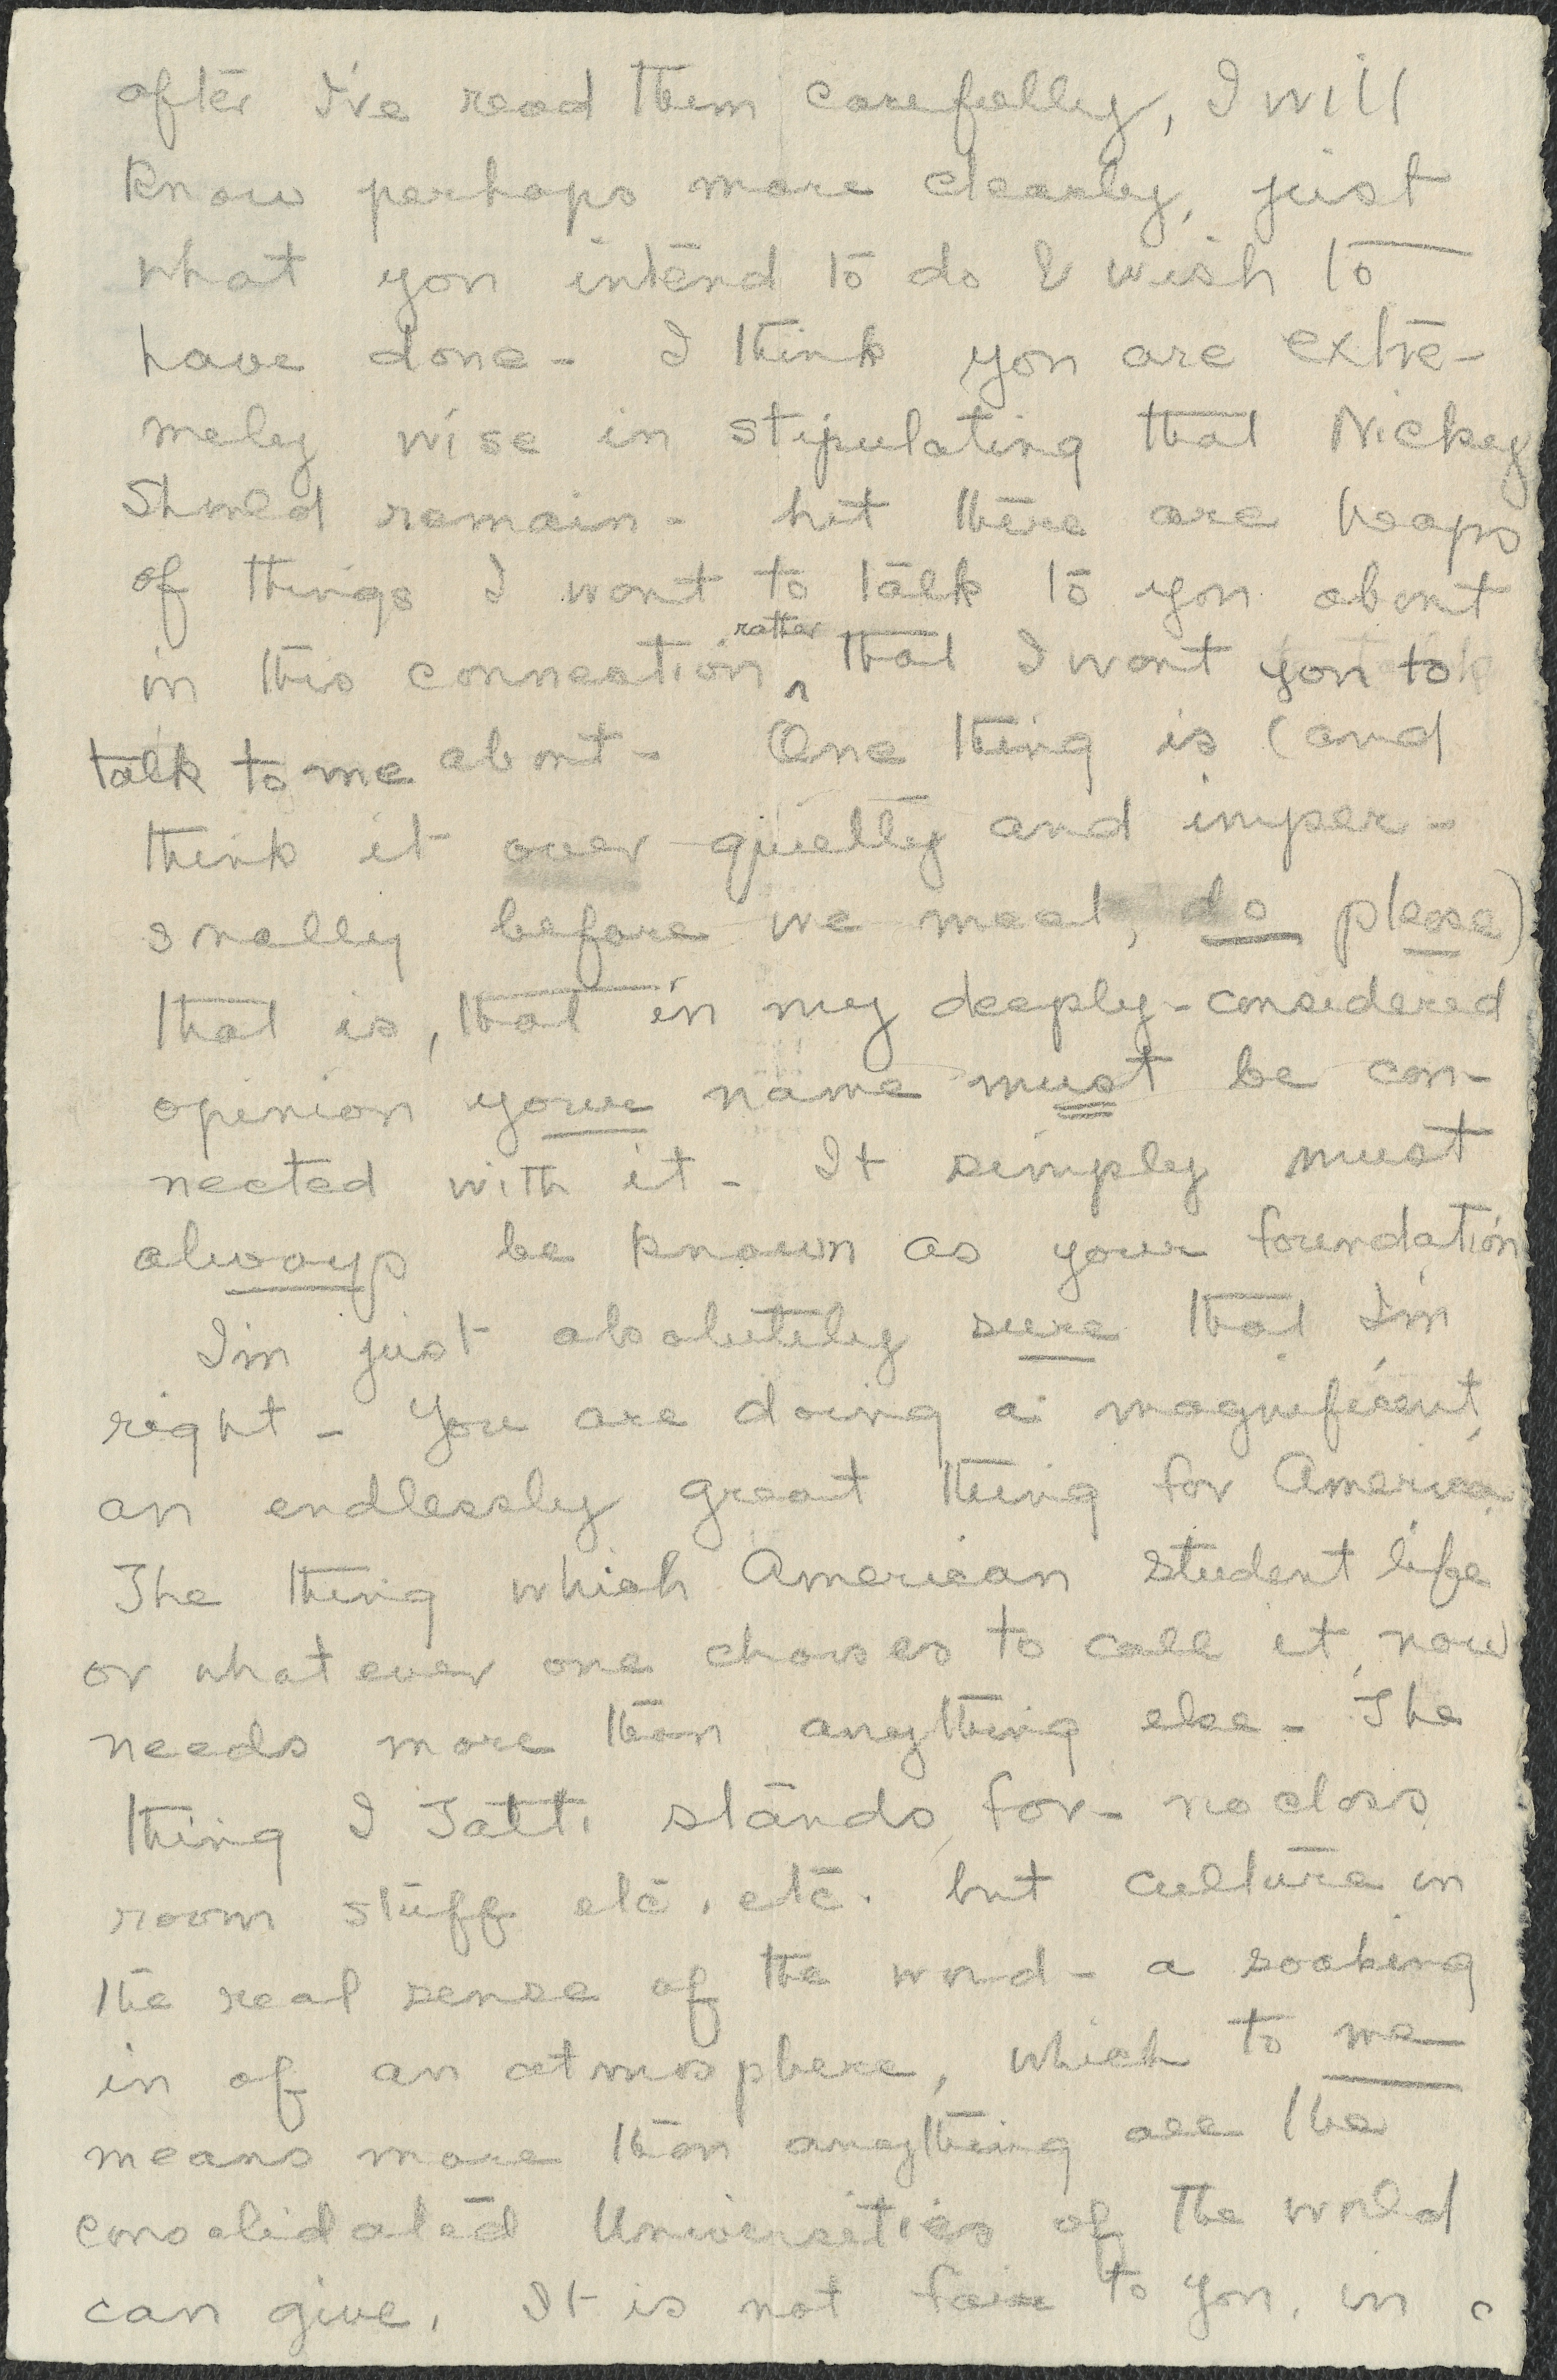after I’ve read them carefully, I will know perhaps more clearly, just what you intend to do & wish to have done – I think you are extremely wise in stipulating that Nicky should remain – but there are heaps of things I want to talk to you about in this connection [^rather^] that I want you to talk to me about – One thing is (and think it over quietly and impersonally before we meet, do please) that is, that in my deeply-considered opinion your name [double underlined: must] be connected with it – It simply must always be known as your foundation
I’m just absolutely sure that I’m right – You are doing a magnificent, an endlessly great thing for America. The thing which American student life or what ever one chooses to call it, now needs more than anything else – The thing I Tatti stands for – no class room stuff etc, etc. but culture in the real sense of the word – a soaking in of an atmosphere, which to me means more than anything all the consolidated Universities of the world can give. It is not fair to you, in